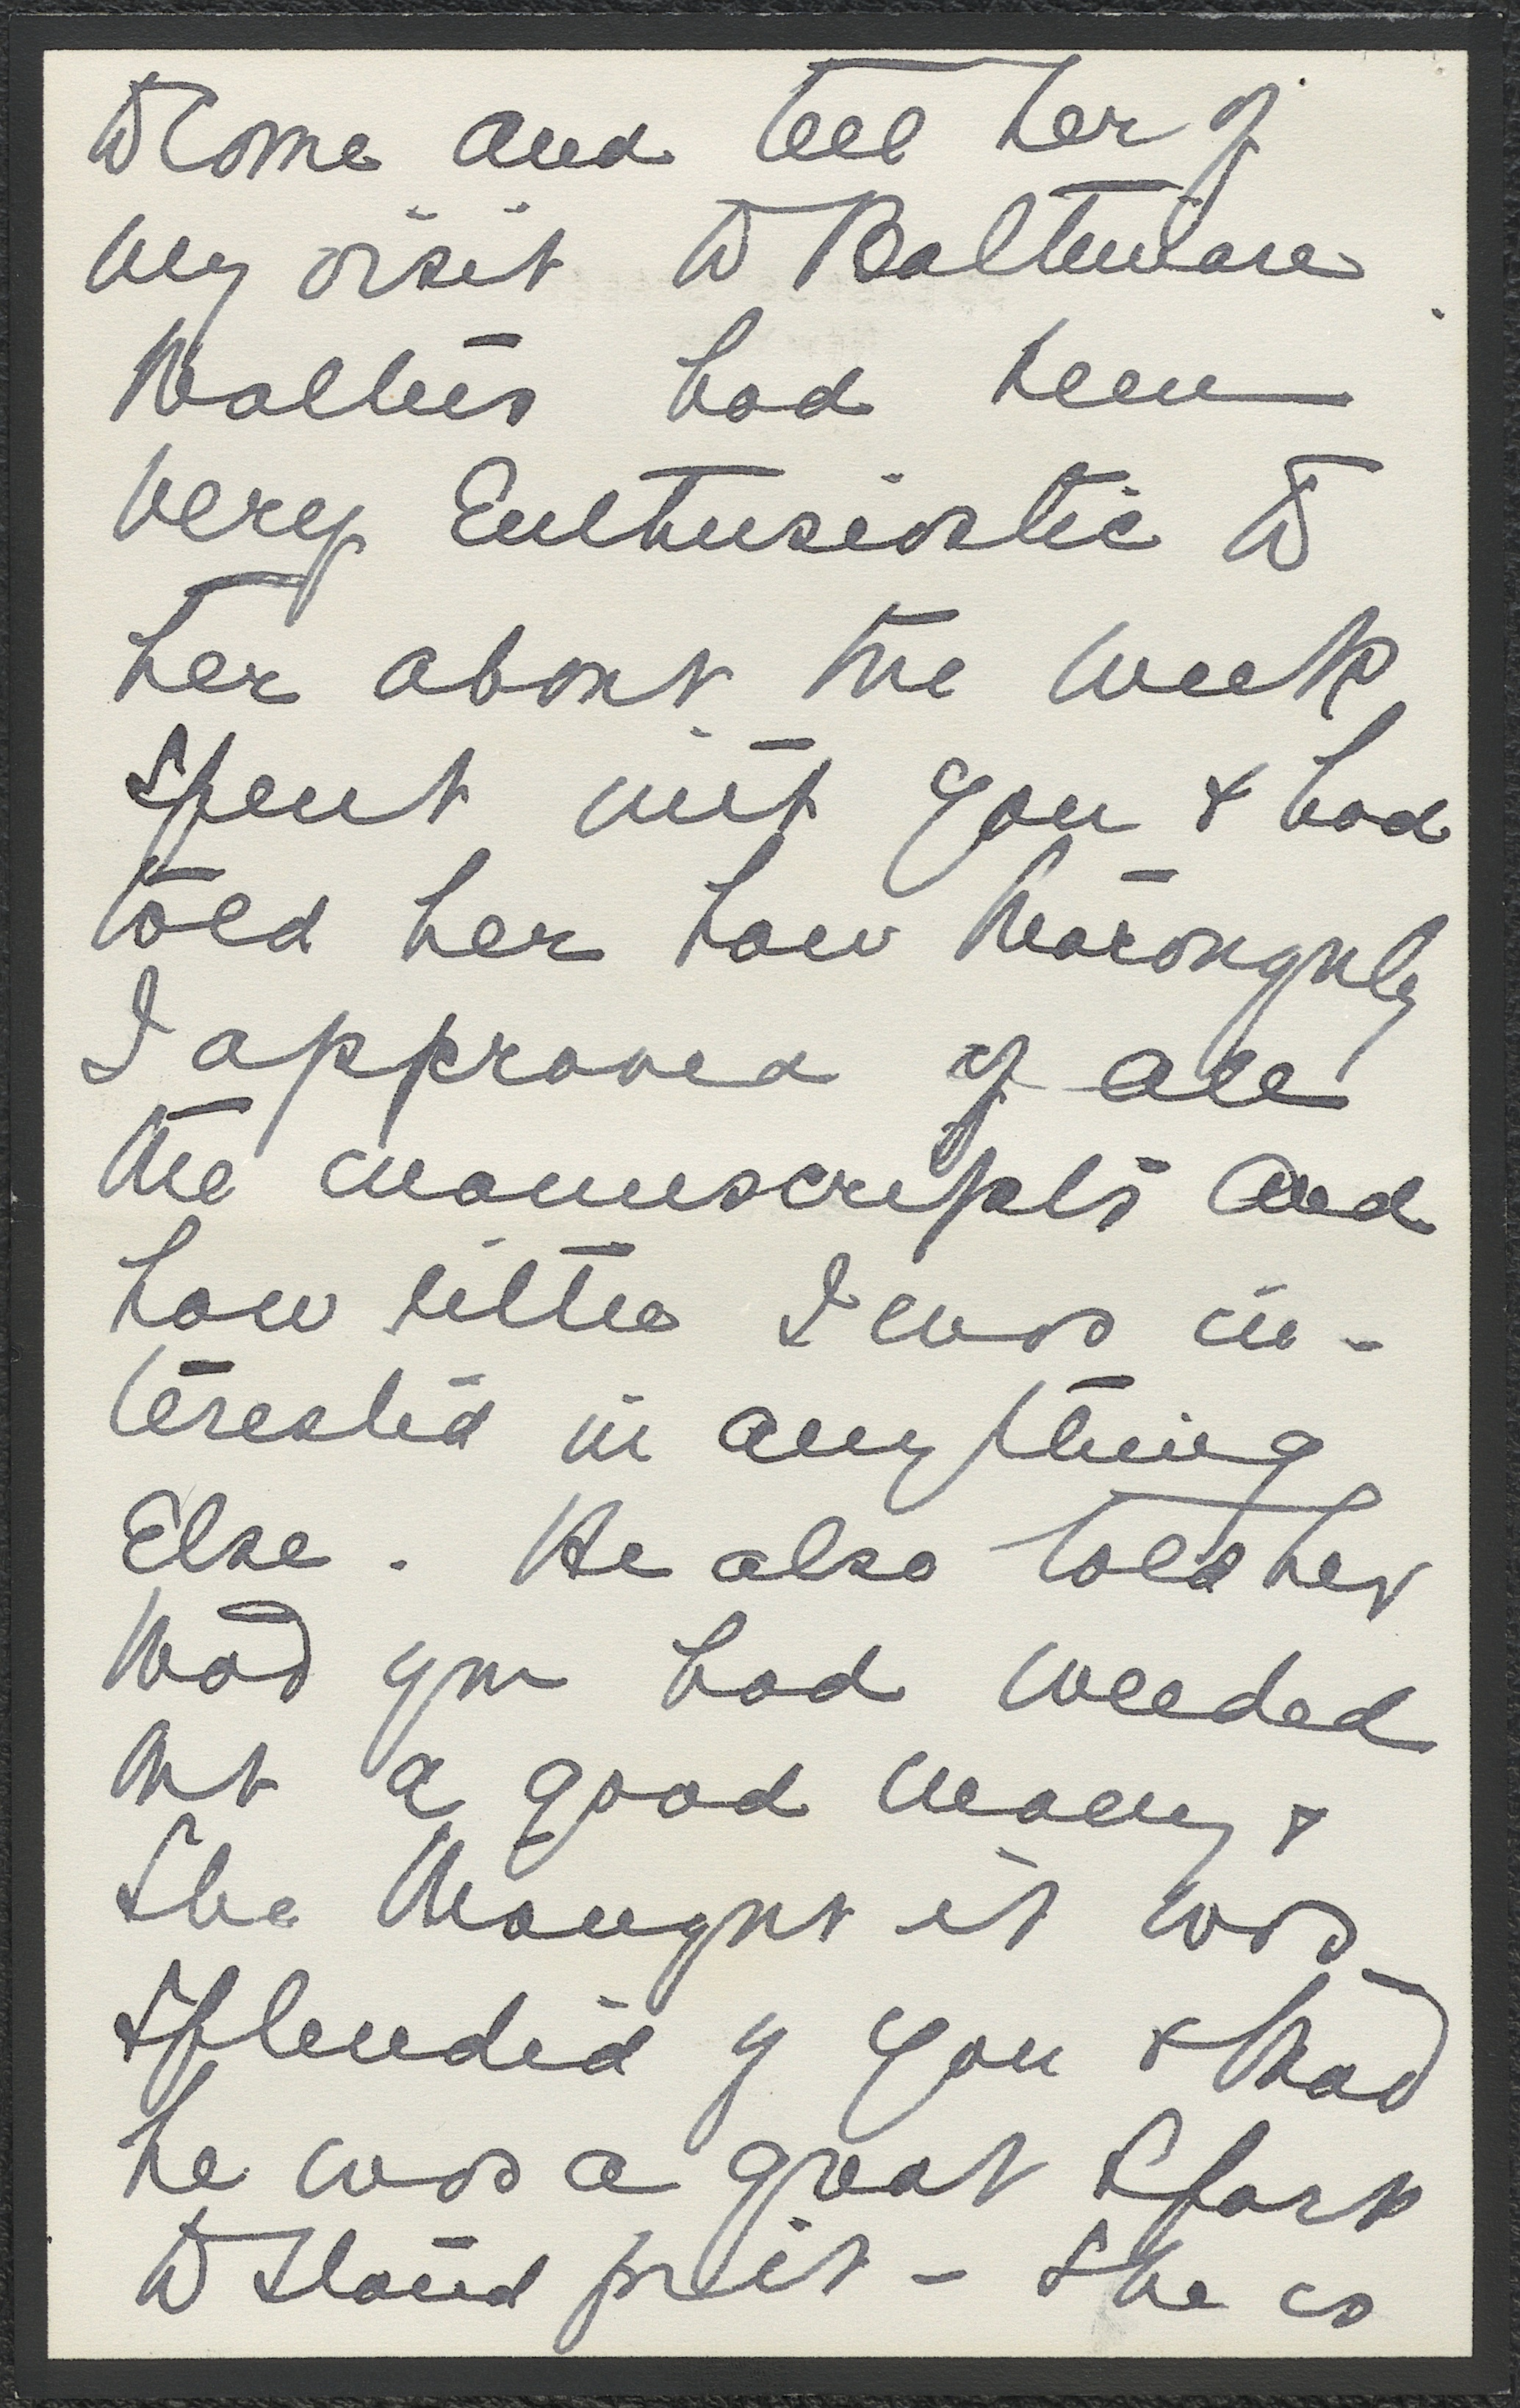to come and tell her of my visit to Baltimore
Walters had been very enthusiastic to her about the week spent with you & had told her how thoroughly I approved of all the manuscripts and how little I was interested in anything else. He also told her that you had weeded out a good many & she thought it was splendid of you & that he was a great sport to stand for it – She is